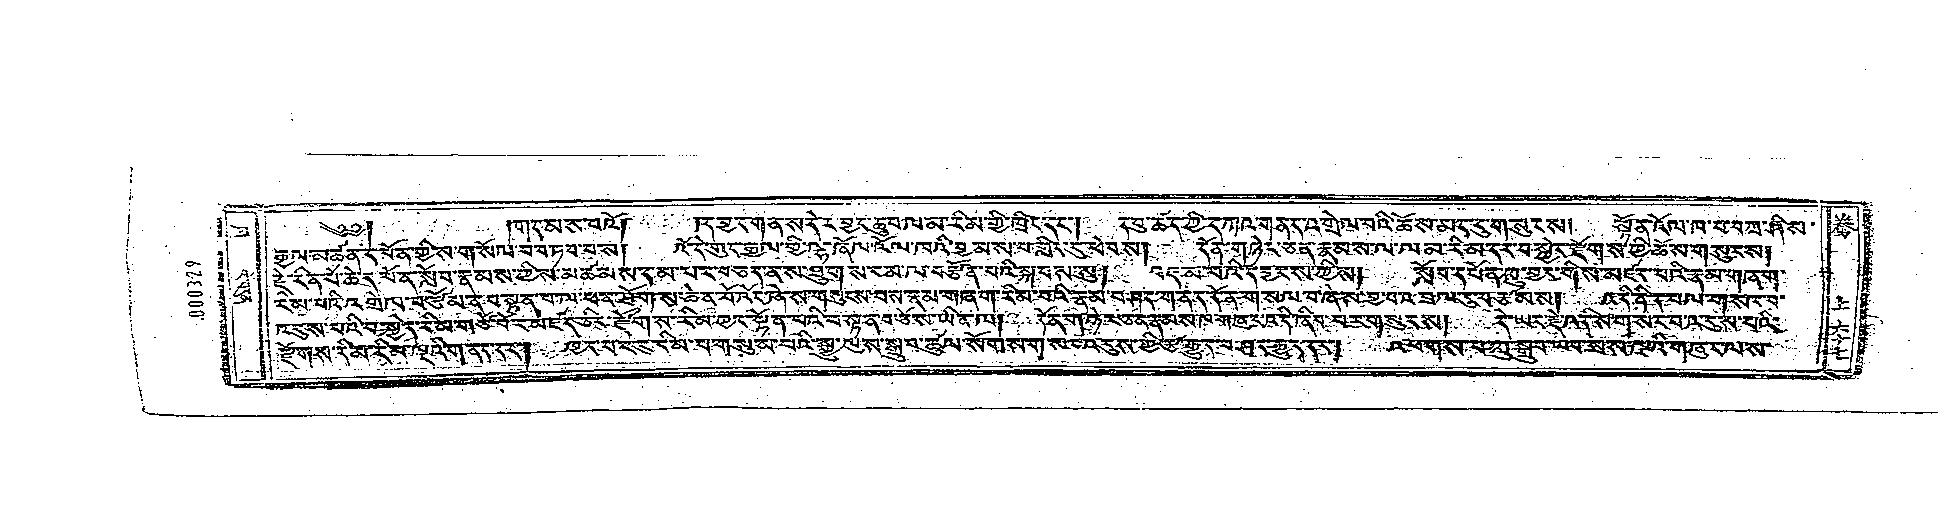༄༅། །གདམས་བའོ། །དབྱར་གནས་དེར་བྱང་ཆུབ་ལམ་རིམ་གྱི་ཁྲིད་དང་། དབུ་ཚད་ཀྱི་དཀའ་གནད་འགྲེལ་བའི་ཆོས་མང་དུ་གསུངས། སྟོན་འོལ་ཁ་པ་བཀྲ་ཤིས་
རྒྱལ་མཚན་དཔོན་གྱིས་གསོལ་བ་བཏབ་པས། འོ་དེ་གུང་རྒྱལ་གྱི་ལྷ་ཞོལ་འོལ་ཁའི་བྱམས་པ་གླིང་དུ་ཕེབས། དོན་གཉེར་ཅན་རྣམས་ལ་ལམ་རིམ་དང་བསྐྱེད་རྫོགས་ཀྱི་ཆོས་གསུངས།
རྗེ་རིན་པོ་ཆེ་དཔོན་སློབ་རྣམས་ཀྱིས་མཚམས་དམ་པར་བཅད་ནས་ཐུགས་དམ་ལ་བརྩོན་པའི་སྐབས་སུ། འཇམ་བའི་དབྱངས་ཀྱིས། སློབ་དཔོན་ཀླུ་བྱང་གིས་མཛད་པའི་རྣམ་གཞག་
རིམ་པའི་འགྲེལ་བ་རྩོམ་ན་བསྟན་པ་ལ་ཕན་ཐོགས་ཆེན་པོ་འོང་ཞེས་གསུངས་བས་རྣམ་གཞག་རིམ་བའི་རྣམ་བཤད་གནད་དོན་གསལ་བ་ཞེས་བྱ་བ་འཕྲལ་དུ་བ་རྩམས། འདི་ནི་དཔལ་གསང་བ་
འདུས་པའི་བསྐྱེད་རིམ་གཙོ་བོར་མཛད་ཅིང་རྫོགས་རིམ་ཀྱང་སྟོན་བའི་བསྟན་བཅོས་ཡིན་ལ། དོན་གཉེར་ཅན་རྣམས་ལ་གཞུང་འདི་ཞིབ་པར་གསུངས། དེ་ཡང་རྗེ་འདིས་གསང་བ་འདུས་པའི་
རྫོགས་རིམ་རིམ་ལྔའི་གནད་དང་། ཁྱད་པར་དུ་རིམ་པ་གསུམ་པའི་སྒྱུ་ལུས་སྒྲུབ་ཚུལ་སོགས་གསང་འདུས་ཀྱི་རྩ་རྒྱུད་བཤད་རྒྱུད་དང་། འཕགས་པ་ཀླུ་སྒྲུབ་ཡབ་སྲས་ལྔའི་གཞུང་ལས་